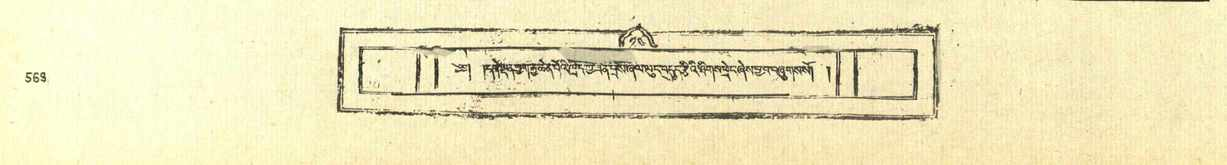༄༅། །དགེ་ལྡན་ཕྱག་རྒྱ་ཆེན་པོའི་ཁྲིད་ཀྱི་ཟན་བྲོས་ཞལ་ལུང་བདུད་རྩིའི་ཐིགས་ཕྲེང་ཞེས་བྱ་བ་བཞུགས་སོ། །